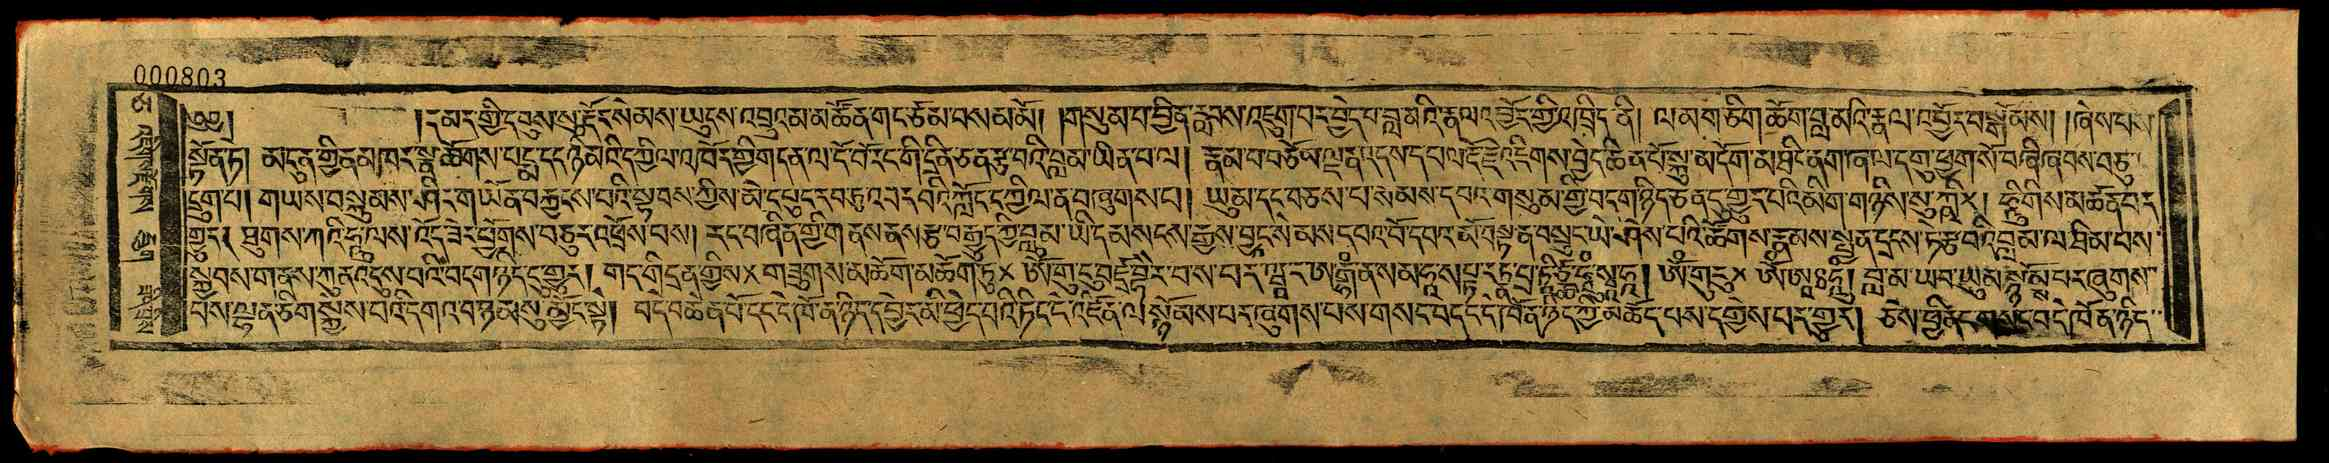༄༅། །དམར་གྱི་དབུས་སུ་རྡོར་སེམས་ཡུངས་འབྲུའམ་མཚོན་གང་ཙམ་བསམ་མོ། །གསུམ་པ་བྱིན་རླབས་འཇུག་པར་བྱེད་པ་བླ་མའི་རྣལ་འབྱོར་གྱི་འཁྲིད་ནི། ལམ་གཅིག་ཆོག་བླ་མའི་རྣལ་འབྱོར་བསྒོམས། །ཞེས་པས་
སྟོན་ཏེ། མདུན་གྱི་ན་མཁར་སྣ་ཚོགས་པདམ་དང་ཉི་མའི་དཀྱིལ་འཁོར་གྱི་གདན་ལ་ངོ་བོ་རང་གི་དྲིན་ཅན་རྩ་བའི་བླ་མ་ཡིན་པ་ལ། རྣམ་པ་བཅོམ་ལྡན་འདས་དཔལ་རྡོ་རྗེ་འཇིགས་བྱེད་ཆེན་པོ་སྐུ་མདོག་མཐིང་ནག་ཞལ་དགུ་ཕྱག་སོ་བཞི་ཞབས་བཅུ་
དྲུག་པ། གཡས་བསྐུམས་ཤིང་གཡོན་བརྐྱངས་པའི་སྟབས་ཀྱིས་མེ་དཔུང་རབ་ཏུ་འབར་བའི་ཀློང་དཀྱིལ་ན་བཞུགས་པ། ཡུམ་དང་བཅས་པ་སེམས་དཔའ་གསུམ་གྱི་བདག་ཉིད་ཅན་དུ་གྱུར་པའི་མིག་གཉིས་སུ་ཀྵིཾ་྾། ཧཱུཾ་གིས་མཚན་པར་
གྱུར༑ ཐུགས་ཀའི་ཧཱུཾ་ལས་འོད་ཟེར་ཕྱོགས་བཅུར་འཕྲོས་པས། རང་བཞིན་གྱི་གནས་ནས་རྩ་བརྒྱུད་ཀྱི་བླ་མ་ཡི་དམ་སངས་རྒྱས་བྱང་སེམས་དཔའ་བོ་དཔའ་མོ་བསྟན་བསྲུང་ཡེ་ཤེས་པའི་ཚོགས་རྣམས་སྤྱན་དྲངས་ཏེ་རྩ་བའི་བླ་མ་ལ་ཐིམ་པས་
སྐྱབས་གནས་ཀུན་འདུས་པའི་བདག་ཉིད་དུ་གྱུར། གང་གི་དྲིན་གྱིས་྾་གཟུགས་མཆོག་མཆོག་ཏུ་྾་ཨོཾ་གུ་རུ་བཛྲ་བྷཻར་བ་ས་པ་རི་ཝཱ་ར་ཨརྒྷཾ་ནས་མཧཱ་སཔྟ་རཏྣ་པྲ་ཏཱི་ཙྪ་ཧཱུཾ་སྭཱ་ཧཱ། ཨོཾ་གུ་རུ྾་ཨོཾ་ཨཱཿ ཧཱུཾ། བླ་མ་ཡབ་ཡུམ་སྙོམ་པར་ཞུགས་
པས་ལྷན་ཅིག་སྐྱེས་པའི་དགའ་བ་ཉམས་སུ་མྱོང་སྟེ། བདེ་བ་ཆེན་པོ་དང་དེ་ཁོ་ན་ཉིད་དབྱེར་མི་ཕྱེད་པའི་ཏིང་ངེ་འཛིན་ལ་སྙོམས་པར་ཞུགས་པས་གསང་བ་དང་དེ་ཁོ་ན་ཉིད་ཀྱི་མཆོད་པས་དགྱེས་པར་གྱུར། ཅེས་ཕྱི་ནང་གསང་བ་དེ་ཁོ་ན་ཉིད་